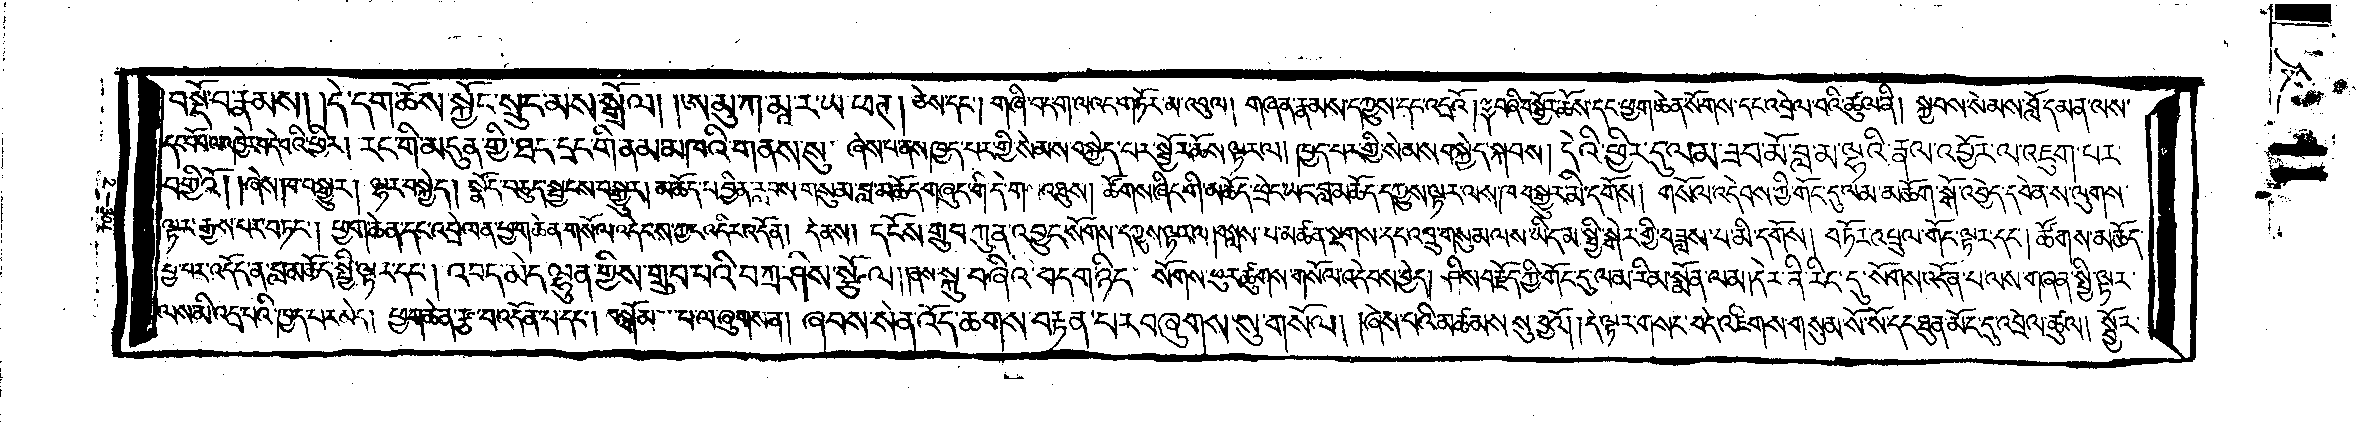བསྡོ་བ་རྣམས། །དེ་དག་ཆོས་སྐྱོང་སྲུང་མས་སྒྲོལ། །ཨ་མུ་ཀ་མཱ་ར་ཡ་ཕཊ། ཅེས་དང་། གཞི་བདག་ལའང་གཏོར་མ་འབུལ། གཞན་རྣམས་དཀྱུས་དང་འདྲའོ། ༈ བཞི་བ་སྦྱོར་ཆོས་དང་ཕྱག་ཆེན་སོགས་དང་འབྲེལ་བའི་ཚུལ་ནི། སྐྱབས་སེམས་བློ་དམན་ལས་
དང་བོབ་ལ་འཁྱེར་བདེ་བའི་ཕྱིར། རང་གི་མདུན་གྱི་ཐད་དྲང་གི་ནམ་མཁའི་གནས་སུ་ཞེས་པ་ནས་ཁྱད་པར་གྱི་སེམས་བསྐྱེད་པར་སྦྱོར་ཆོས་ལྟར་ལ། ཁྱད་པར་གྱི་སེམས་བསྐྱེད་སྐབས།  དེའི་ཕྱིར་དུ་ལམ་ཟབ་མོ་བླ་མ་ལྷའི་རྣལ་འབྱོར་ལ་འཇུག་པར་
བགྱིའོ། །ཞེས་ཁ་བསྒྱུར། ལྷར་བསྐྱེད། སྣོད་བཅུད་སྦྱངས་བསྒྱུར། མཆོད་པ་བྱིན་རླབས་གསུམ་བླ་མཆོད་གཞུང་གི་དེ་གས་འཐུས། ཚོགས་ཞིང་གི་མཆོད་ཕྲེང་ཡང་བླ་མཆོད་དཀྱུས་ལྟར་ལས་ཁ་བསྒྱུར་མི་དགོས། གསོལ་འདེབས་ཀྱི་གོང་དུ་ལམ་མཆོག་སྒོ་འབྱེད་དབེན་ས་ལུགས་
ལྟར་རྒྱས་པར་བཏང་། ཕྱག་ཆེན་དང་འབྲེལ་ན་ཕྱག་ཆེན་གསོལ་འདེབས་ཀྱང་འདིར་འདོན། དེ་ནས། དངོས་གྲུབ་ཀུན་འབྱུང་སོགས་དཀྱུས་ལྟར་ལ། བསླས་པ་མཚན་སྔགས་དང་འབྲུ་གསུམ་ལས་ཡིད་མ་སྤྱི་སྒེར་གྱི་བཟླས་པ་མི་དགོས། བཏོར་འྤྲུལ་གོང་ལྟར་དང་། ཚོགས་མཆོད་
བྱ་བར་འདོད་ན་བླ་མཆོད་སྤྱི་ལྟར་དང་། འབད་མེད་ལྷུན་གྱིས་གྲུབ་པའི་བཀྲ་ཤིས་སྩོལ། །ནས་སྐུ་བཞིའི་བདག་ཉིད་སོགས་ཕུར་ཚུགས་གསོལ་འདེབས་བྱེད། ཤིས་བརྗོད་ཀྱི་གོང་དུ་ལམ་རིམ་སྨོན་ལམ། དེར་ནི་རིང་དུ་སོགས་འདོན་པ་ལས་གཞན་སྤྱི་ལྟར་
ལས་མི་འདྲ་པའི་ཁྱད་པར་མེད། ཕྱག་ཆེན་རྩ་བ་འདོན་པ་དང་། བསྒོམ་པ་ལ་ཞུགས་ན། ཞབས་སེན་འོད་ཆགས་བརྟན་པར་བཞུགས་སུ་གསོལ། །ཞེས་པའི་མཚམས་སུ་བྱའོ། །དེ་ལྟར་གསང་བདེ་འཇིགས་གསུམ་སོ་སོ་དང་ཐུན་མོང་དུ་འབྲེལ་ཚུལ། སྦྱོར་